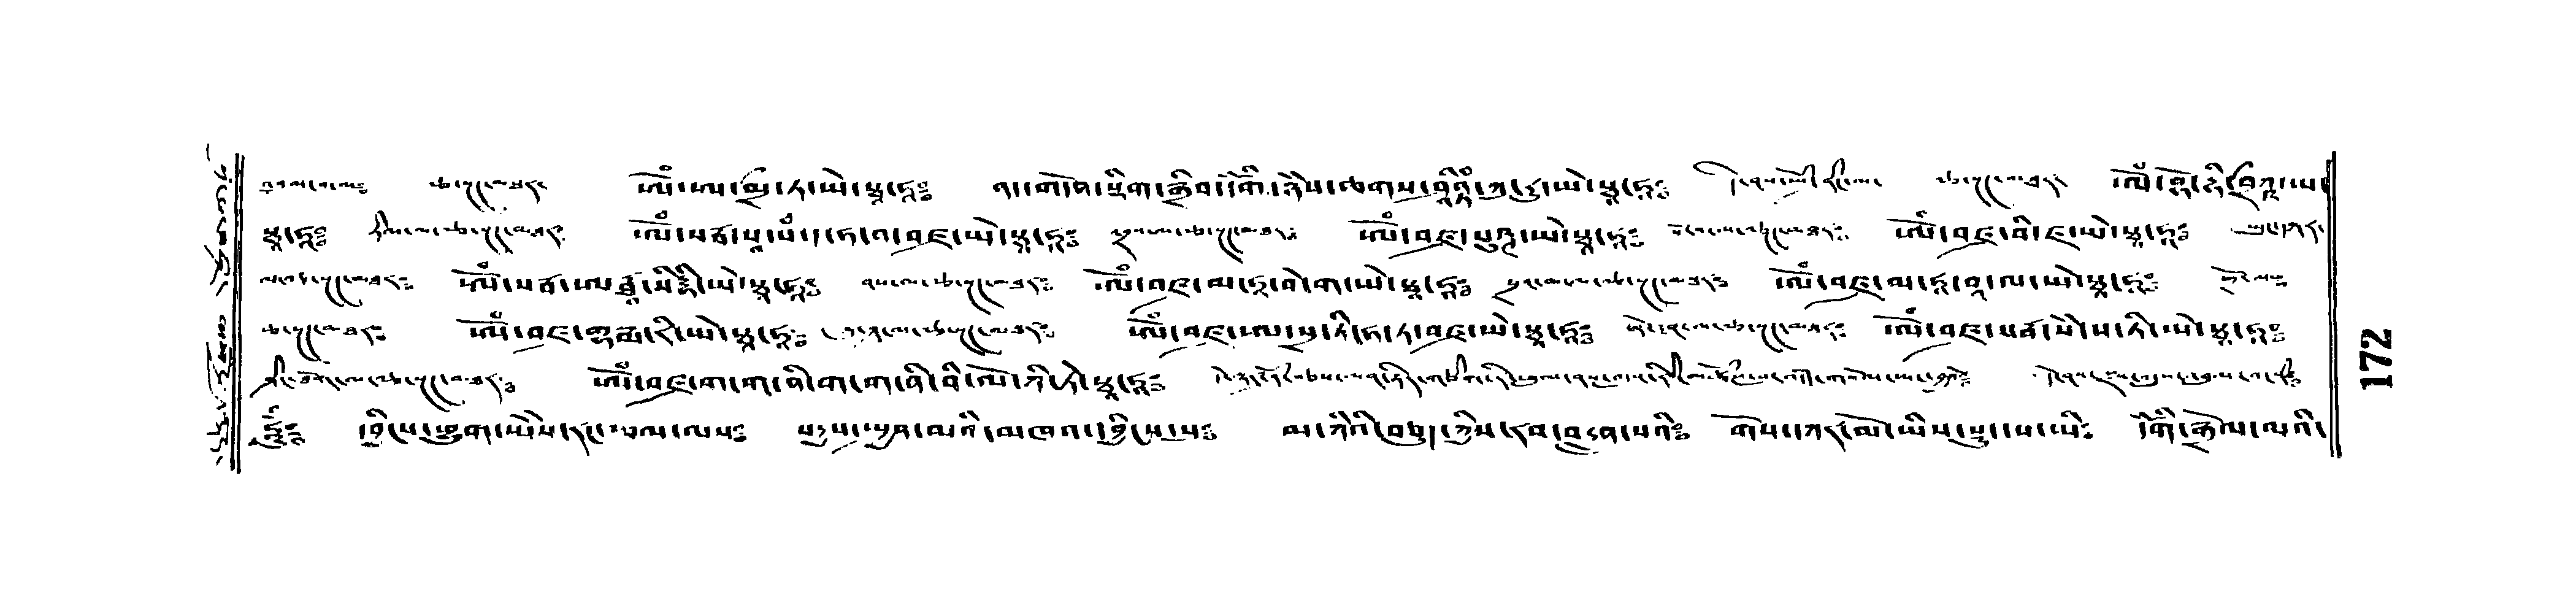འབུལ་བ་ལ༔ རྩ་སྔགས་མཐར༔ ཨོཾ་ཨ་མྲྀ་ཏ་ཡེ་སྭཱ་ཧཱ༔ ནད་གདོན་སྡིག་སྒྲིབ་དམ་ཚིག་ཉམས་ཆགས་ཤཱིནྟཾ་ཀུ་རུ་ཡེ་སྭཱ་ཧཱཿ དེ་ནས་ཡམ་ཤིང་ལ༔ རྩ་སྔགས་མཐར༔ ཨོཾ་བྷོ་དྷི་བྲྀཀྵ་ཡ་
སྭཱ་ཧཱཿ ཏིལ་ལ་རྩ་སྔགས་མཐར༔ཨོཾ་སརྦ་པཱ་པཾ་ད་ཧ་ན་བཛྲ་ཡེ་སྭཱ་ཧཱཿ འབྲས་ལ་རྩ་སྔགས་མཐར༔ ཨོཾ་བཛྲ་པུཥྚ་ཡེ་སྭཱ་ཧཱཿ སོ་བ་ལ་རྩ་སྔགས་མཐར༔ ཨོཾ་བཛྲ་བི་ཛ་ཡེ་སྭཱ་ཧཱཿ ཡུངས་དཀར་
ལ་རྩ་སྔགས་མཐར༔ ཨོཾ་སརྦ་ཨརྠཱ་སིདྡྷི་ཡེ་སྭཱ་ཧཱཿ ནས་ལ་རྩ་སྔགས་མཐར༔ ཨོཾ་བཛྲ་མ་ཧཱ་བེ་ག་ཡེ་སྭཱ་ཧཱཿ སྲན་མ་ལ་རྩ་སྔགས་མཐར༔ ཨོཾ་བཛྲ་མ་ཧཱ་བཱ་ལ་ཡེ་སྭཱ་ཧཱཿ གྲོ་ལ་རྩ་སྔགས་མཐར༔ ཨོཾ་བཛྲ་གྷསྨ་རི་ཡེ་སྭཱ་ཧཱཿ ཀུ་ཤ་ལ་
རྩ་སྔགས་མཐར༔ ཨོཾ་བཛྲ་ཨ་པྲ་རི་ཧ་ཏ་བཛྲ་ཡེ་སྭཱ་ཧཱཿ ཞོ་ཟན་ལ་རྩ་སྔགས་མཐར༔ ཨོཾ་བཛྲ་སརྦ་སམ་པ་ཏི་ཡེ་སྭཱ་ཧཱ༔ 
ཤིང་ཐོག་ལ་རྩ་སྔགས་མཐར༔ ཨོཾ་བཛྲ་ག་ག་ནི་ག་ག་ནི་བི་ལོ་ཀི་ཏེ་སྭཱ་ཧཱཿ དེ་ལྟར་ཤམ་བཅས་ལན་ཉེར་གཅིག་རེ་ཕུལ་ནས་བདུན་རེའི་མཚམས་སུ་འདོད་གསོལ་ཡང་བྱའོ༔ དེ་ནས་རྫས་འདུས་འབུལ་བ་ནི༔ 
ཧཱུྃ༔ དབྱིངས་ཕྱུག་ཡེ་ཤེས་རང་རྩལ་ལས༔ སངས་རྒྱས་སྤྱན་མའི་མཁའ་དབྱིངས་སུ༔ མ་ཀིའི་བཅུད་ཀྱིས་རབ་བརླན་པའི༔ གོས་དཀར་མོ་ཡིས་སྡུད་པ་ཡི༔ དམ་ཚིག་སྒྲོལ་མའི་